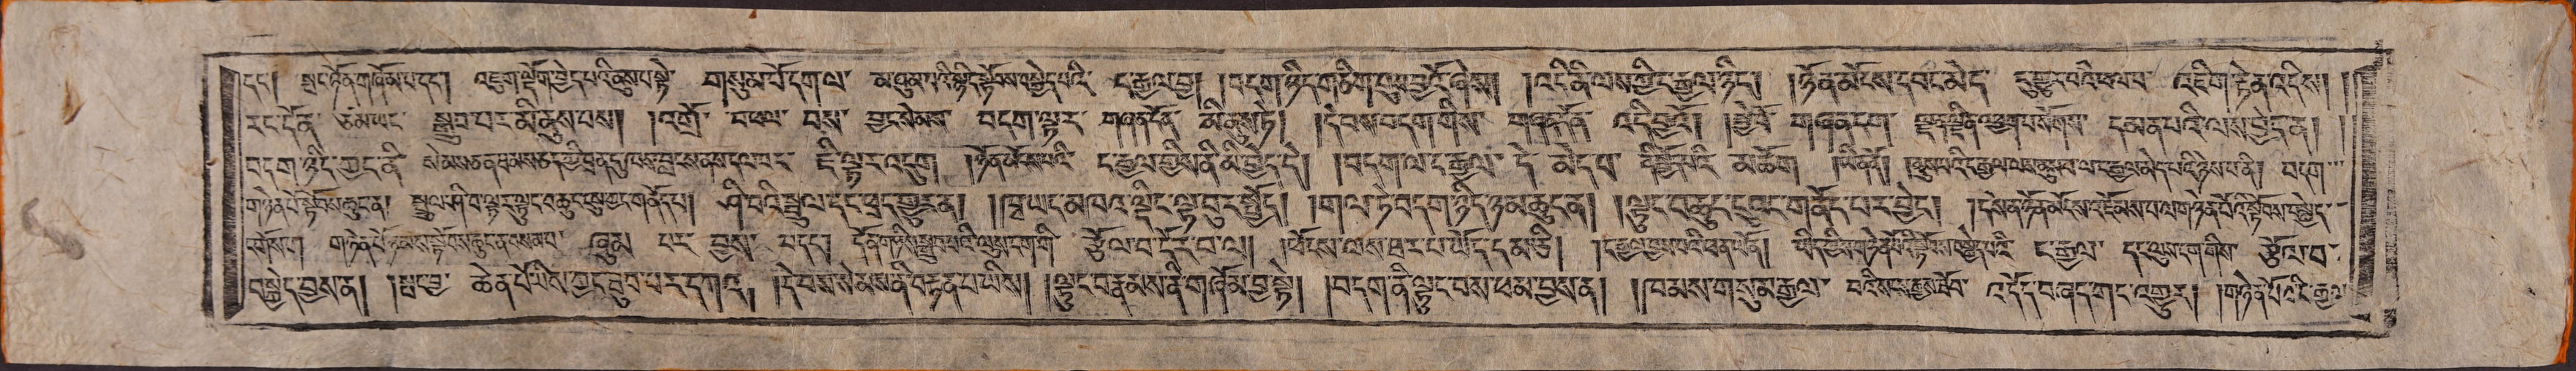དང༑ སྤང་ཉོན་གཞོམ་པ་དང་། འཇུག་ལྡོག་བྱེད་པའི་ནུས་པ་སྟེ་གསུམ་པོ་དག་ལ་མ་ཞུམ་པའི་སྙིང་སྟོབས་བསྐྱེད་པའི་ང་རྒྱལ་བྱ། །བདག་ཉིད་གཅིག་པུས་བྱའོ་ཞེས། །འདི་ནི་ལས་ཀྱི་ང་རྒྱལ་ཉིད། །ཉོན་མོངས་དབང་མེད་དུ་གྱུར་བའི་ཕལ་པ་འཇིག་རྟེན་འདིས། །
རང་དོན་ཅམ་ཡང་སྒྲུབ་པར་མི་ནུས་པས། །འགྲོ་བ་ཕལ་བས་བྱང་སེམས་བདག་ལྟར་གཞན་དོན་མི་ནུས་ཏེ། །དེ་བས་བདག་གིས་གཞན་དོན་འདི་བྱའོ། །སྐྱེ་བོ་གཞན་དག་ལྡན་ལྗིན་འཕྱག་བ་སོགས་དམན་པའི་ལས་བྱེད་ན། །
བདག་ཉིད་ཀྱང་ནི་སེམས་ཅན་ཐམས་ཅད་ཀྱི་བྲན་དུ་ཁས་བླངས་ནས་དལ་བར་ཇི་ལྟར་འདུག་།ཉོན་མོངས་པའི་ང་རྒྱལ་གྱིས་ནི་མི་བྱེད་དེ། །བདག་ལ་ང་རྒྱལ་དེ་མེད་པ་ནི་སྤྱོད་པའི་མཆོག །ཡིན་ནོ། །ནུས་པའི་ང་རྒྱལ་ལས་ནུས་པ་ལ་ངར་རྒྱལ་མེད་པའི་ཉེས་པ་ནི། བདག་
གཉེན་པོ་སྟོབས་ཆུང་ན། སྤྲུལ་ཤི་བ་ལྟར་ལྷུང་བ་ཆུང་དུས་ཀྱང་གནོད་པ། ཤི་བའི་སྤྲུལ་དང་ཕྲད་གྱུར་ན། །ཁྲ་ཡང་མཁའ་ལྡིང་ལྟ་བུར་སྤྱོད། །གལ་ཏེ་བདག་ཉིད་ཉམ་ཆུང་ན། །ལྟུང་བ་ཆུང་དུའང་གནོད་པར་བྱེད། །དེས་ན་ཉོན་མོངས་འཇོམས་པ་ལ་གཉེན་པོའི་སྟོབས་བསྐྱེད་
དགོས་པ། གཉེན་པོ་ཉམས་སྟོབས་ཆུང་ན་བསམ་པ་ཞུམ་པར་བྱས་པ་དང་། དོན་གཉིས་སྒྲུབ་པའི་ལུས་ངག་གི་རྩོལ་བ་དོར་བ་ལ། །ཕོངས་ལས་ཐར་པ་ཡོད་དམ་ཅི། །ང་རྒྱལ་བྱས་པའི་ཕན་ཡོན། ཡིད་ཀྱིས་གཉེན་པོའི་སྟོབས་བསྐྱེད་པའི་ང་རྒྱལ་དང་ལུས་ངག་གིས་རྩོལ་བ་
བསྐྱེད་བྱས་ན། །སྤང་བྱ་ཆེན་པོ་ཡིས་ཀྱང་ཐུབ་པར་དཀའ། །དེ་བས་སེམས་ནི་བརྟན་པ་ཡིས། །ལྷུང་བ་རྣམས་ནི་གཞོམ་བྱ་སྟེ། །བདག་ནི་ལྟུང་བས་ཕམ་བྱས་ན། །ཁམས་གསུམ་རྒྱལ་བའི་སངས་རྒྱས་ཐོབ་འདོད་བཞད་གད་འགྱུར། །གཉེན་པོའི་ང་རྒྱལ་ལ་